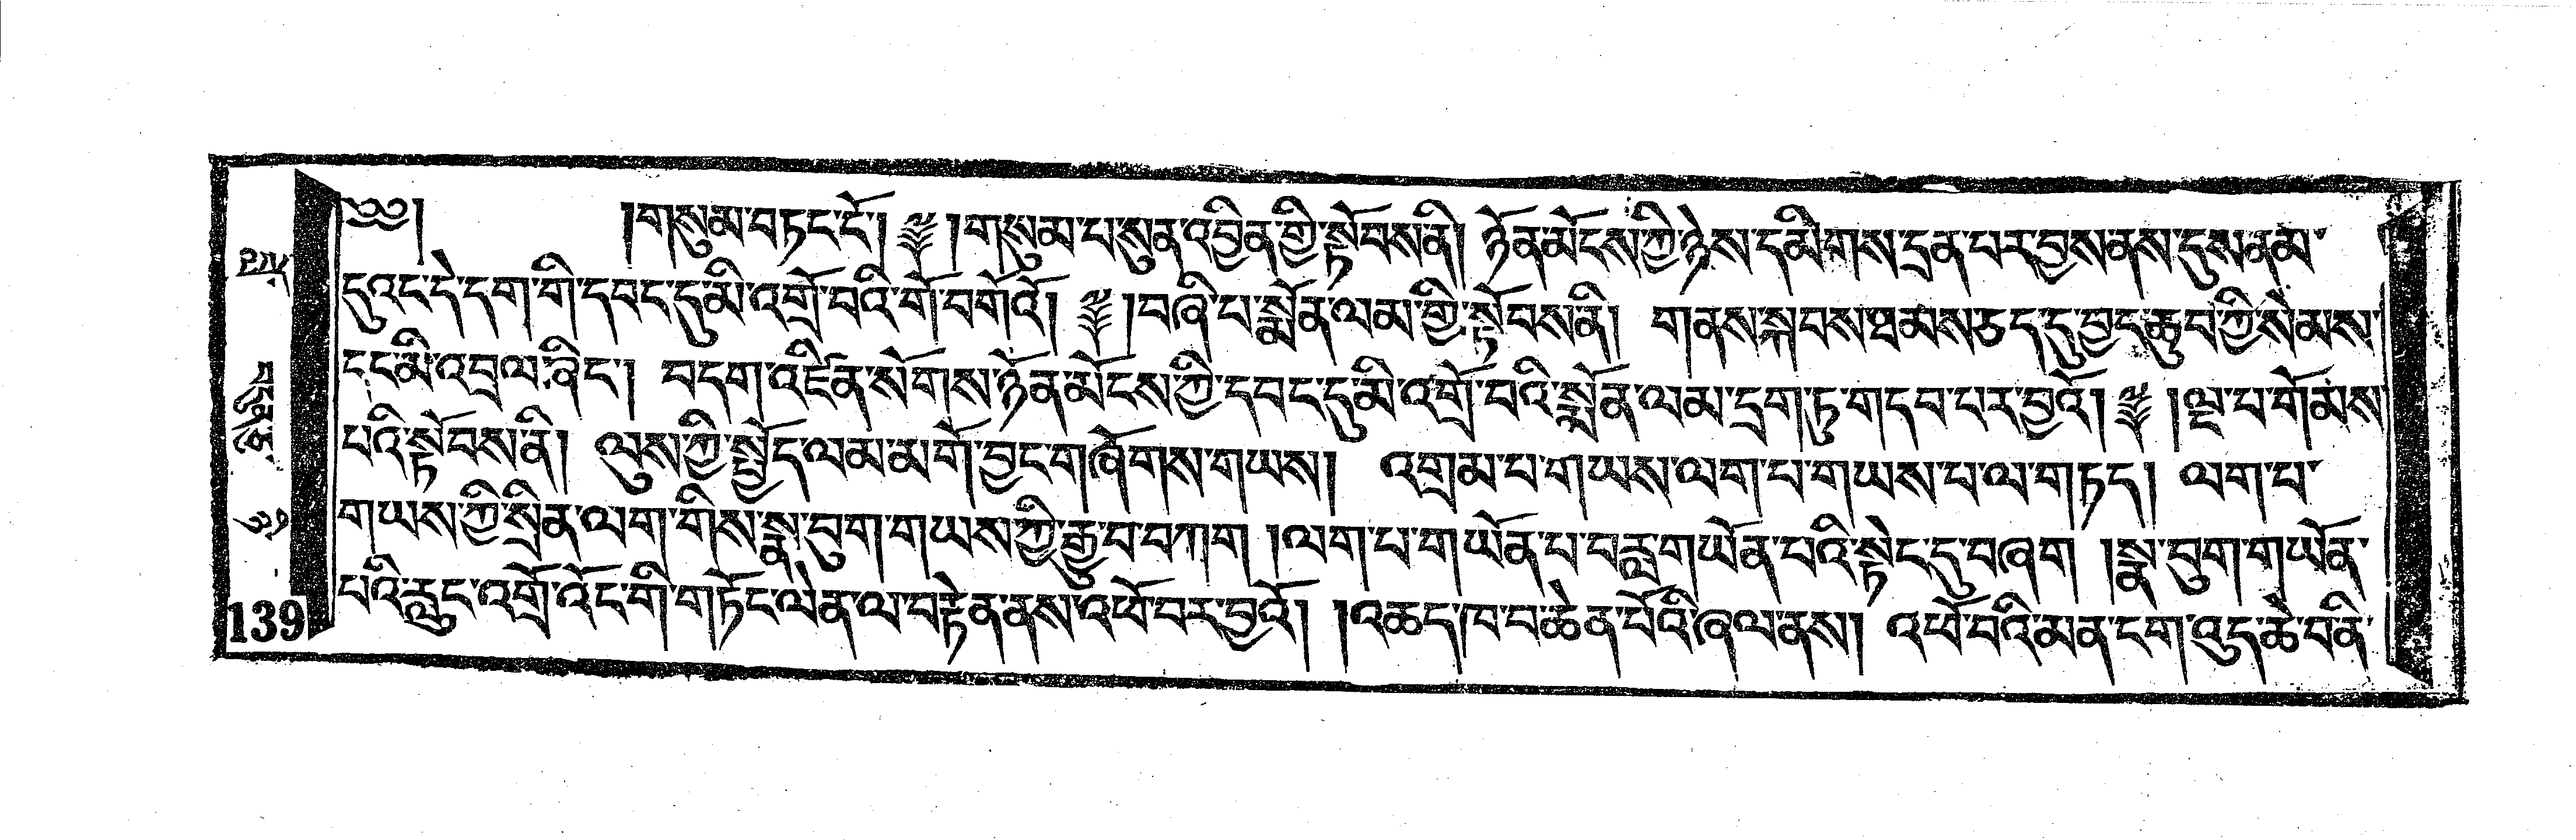༄༅། །གསུམ་བཏང་ངོ། ༈ །གསུམ་པ་སུན་འབྱིན་གྱི་སྟོབས་ནི། ཉོན་མོངས་ཀྱི་ཉེས་དམིགས་དྲན་པར་བྱས་ནས་དུས་ནམ་
དུའང་དེ་དག་གི་དབང་དུ་མི་འགྲོ་བའི་གོ་བགོའོ། ༈ །བཞི་པ་སྨོན་ལམ་གྱི་སྟོབས་ནི། གནས་སྐབས་ཐམས་ཅད་དུ་བྱང་ཆུབ་ཀྱི་སེམས་
དང་མི་འབྲལ་ཞིང་། བདག་འཛིན་སོགས་ཉོན་མོངས་ཀྱི་དབང་དུ་མི་འགྲོ་བའི་སྨོན་ལམ་དྲག་ཏུ་གདབ་པར་བྱའོ། ༈ །ལྔ་པ་གོམས་
པའི་སྟོབས་ནི། ལུས་ཀྱི་སྤྱོད་ལམ་མགོ་བྱང་གཞོགས་གཡས། འགྲམ་པ་གཡས་ལག་པ་གཡས་པ་ལ་གཏད། ལག་པ་
གཡས་ཀྱི་སྲིན་ལག་གིས་སྣ་བུག་གཡས་ཀྱི་རྒྱུ་བ་བཀག །ལག་པ་གཡོན་པ་བརླ་གཡོན་པའི་སྟེང་དུ་བཞག །སྣ་བུག་གཡོན་
པའི་རླུང་འགྲོ་འོང་གི་གཏོང་ལེན་ལ་བརྟེན་ནས་འཕོ་བར་བྱའོ། །འཆད་ཁ་བ་ཆེན་པོའི་ཞལ་ནས། འཕོ་བའི་མན་ངག་འུད་ཆེ་བ་ནི་